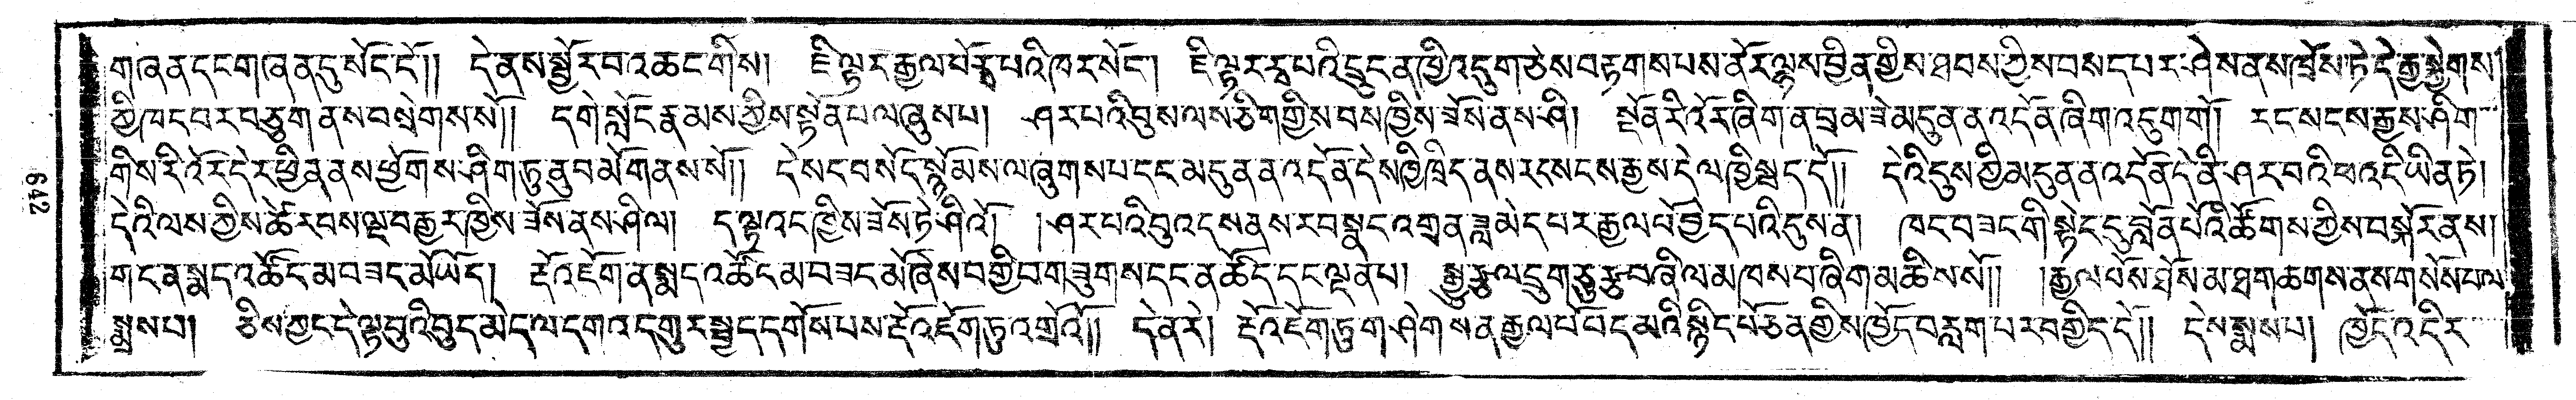གཞན་དང་གཞན་དུ་སོང་ངོ། །དེ་ནས་སྦྱོར་བ་འཆང་གིས། ཇི་ལྟར་རྒྱལ་པོ་རྭ་པའི་ཁར་སོང་། ཇི་ལྟར་རྭ་པའི་དྲུང་ན་ཁྱི་འདུག་ཅེས་བརྟགས་པས་ནོར་ལྷས་བྱིན་གྱིས་ཐབས་ཀྱིས་བསད་པར་ཤེས་ནས་ཁྲོས་ཏེ་དེ་རྒྱ་སྐྱེགས་
ཀྱི་ཁང་བར་བཅུ་གནས་བསྲེགས་སོ། །དགེ་སློང་རྣམས་ཀྱིས་སྟོན་པ་ལ་ཞུས་པ། ཤར་པའི་བུས་ལས་ཅིག་གྱིས་བས་ཁྱིས་ཟོས་ནས་ཤི། སྔོན་རི་འོར་ཞིག་ན་བྲམ་ཟེ་མདུན་ན་འདོན་ཞིག་འདུག་གོ། རང་སངས་རྒྱས་ཤིག་
གིས་རི་འོར་དེར་ཕྱིན་ནས་ཕྱོགས་ཤིག་ཏུ་ནུབ་མོ་གནས་སོ། །དེ་སང་བསོད་སྙོམས་ལ་ཞུགས་པ་དང་མདུན་ན་འདོན་དེས་ཁྱི་ཁྲིད་ནས་རང་སངས་རྒྱས་དེ་ལ་ཁྱི་སྦད་དོ། །དེའི་དུས་ཀྱི་མདུན་ན་འདོན་དེ་ནི་ཤར་བའི་ཕ་འདི་ཡིན་ཏེ།
དེའི་ལས་ཀྱིས་ཚེ་རབས་ལྔ་བརྒྱར་ཁྱིས་ཟོས་ནས་ཤི་ལ། ད་ལྟའང་ཁྱིས་ཟོས་ཏེ་ཤིའོ། །ཤར་པའི་བུ་འདས་ནས་རབ་སྣང་འགྲན་ཟླ་མེད་པར་རྒྱལ་པོ་བྱེད་པའི་དུས་ན། ཁང་བཟང་གི་སྟེང་དུ་བློན་པོའི་ཚོགས་ཀྱིས་བསྐོར་ནས།
གང་ན་སྨད་འཚོང་མ་བཟང་མོ་ཡོད། རྡོ་འཇོག་ན་སྨད་འཚོང་མ་བཟང་མོ་ཞེས་བགྱིབ་གཟུགས་དང་ན་ཚོད་དང་ལྡན་པ། སྒྱུ་རྩལ་དྲུག་ཅུ་རྩ་བཞི་ལ་མཁས་པ་ཞིག་མཆིས་སོ།། །རྒྱལ་པོས་ཐོས་མ་ཐག་ཆགས་ནས་གསོས་པ་ལ་
སྨྲས་པ། ཅིས་ཀྱང་དེ་ལྟ་བུའི་བུད་མེད་ལ་དགའ་དགུར་སྦྱད་དགོས་པས་རྡོ་འཇོག་ཏུ་འགྲོའོ།། དེ་ན་རེ། རྡོ་འཇོག་ཏུ་གཤེགས་ན་རྒྱལ་པོ་པད་མའི་སྙིང་པོ་ཅན་གྱིས་ཁྱོད་བརླག་པར་བགྱིད་དོ།། དེས་སྨས་པ། ཁྱོད་འདིར་